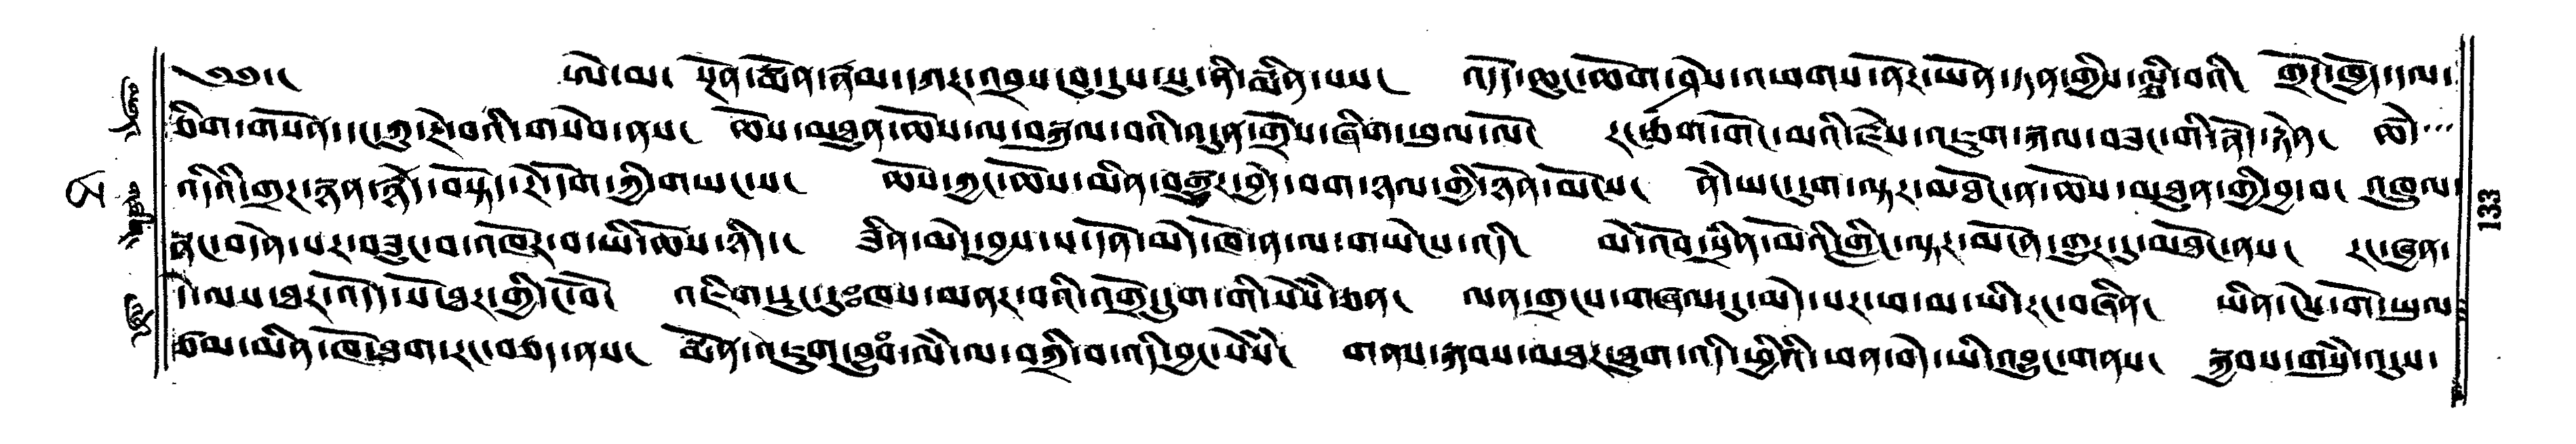༄༅། ཨེ་མ། སྔོན་སྨོན་རྣམ་དཀར་འབྲས་བུ་དུས་སུ་ནི་སྨིན་པས། །འདོད་ཆུང་ཆོག་ཤེས་འཕགས་ནོར་ཡོན་ཏན་གྱིས་ལྕི་བའི། །གྲོགས་ཁྱོད་དལ་
ཅིག་གསོན་དང་ཀུ་རེ་ཡྀ་གསེབ་ནས། །ཆོས་མཐུན་ཆོས་ལ་བསྐུལ་བའི་འདུན་གྲོས་ཞིག་འབུལ་ལོ། །རང་ཅག་གོང་མའི་རྗེས་འཇུག་སྐལ་བཟང་གི་སྣོད་ལྡན། །ཚེ་
འདིའི་གྲགས་སྙན་རྙེད་བསྟོད་རེ་དོགས་ཀྱི་གཡང་ས། །ཆོས་ཀྱང་ཆོས་མིན་སྒྱུར་བྱེད་བག་ཉལ་གྱི་ཉོན་མོངས། །ནམ་ཡང་དུག་ལྟར་མཐོང་ན་ཆོས་མཐུན་གྱི་བྱ་བ། །འཁྲུལ་
སྣང་བདེན་པར་བཟུང་བ་འཁོར་བ་ཡི་ཆོས་ཉིད། །ཟིན་མེད་བྱ་པ་དོན་མེད་ཁོ་ན་ལ་གཡེངས་འདི། །མེ་འོབས་སྲིན་མོའི་གླིང་ལྟར་མངོན་གྱུར་དུ་མཐོང་ནས། །རང་གཞན་
དེ་ལས་ཐར་འདོད་སོ་ཐར་གྱི་ངོ་བོ། །འཇིགས་རུང་དུཿཁས་མནར་བའི་འགྲོ་དྲུག་གི་སེམས་ཅན། །ལན་གྲངས་གཞལ་དུ་མེད་པར་ཕ་མ་ཡི་རང་བཞིན། །ཡིན་ངེས་གོ་ཡུལ་
ཙམ་མིན་ཁོ་ཐག་རང་བཅད་ནས། །སྨོན་འཇུག་བྱང་ཆུབ་ལམ་ལ་དཀྲི་བ་འདི་བྱང་སེམས། །གནས་སྐབས་མཐར་ཐུག་འདི་ཕྱིའི་ཕན་བདེ་ཡི་འབྱུང་གནས། །སྐྱབས་གསུམ་འདུས་